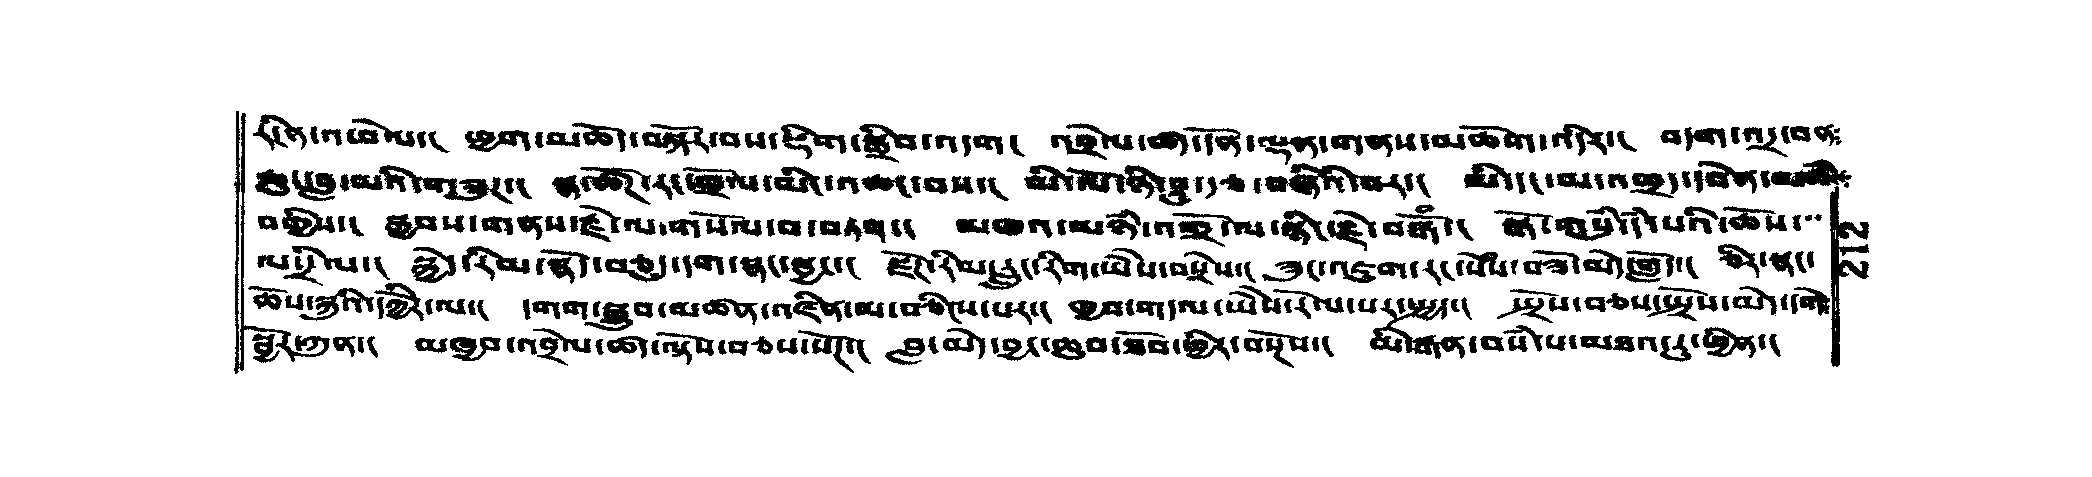རང་བཞིན་འཕེལ། །ཕྱག་མཆོད་བསྐོར་བས་སྡིག་སྒྲིབ་འདག །འབྲེལ་ཚད་དོན་ལྡན་གནས་མཆོག་འདིར། །བདག་འདྲ་བན་
ཆུང་བླ་མའི་གཟུགས། །སྣ་ཚོགས་རང་གྲོལ་མིང་འཆང་བས། །མི་ལོ་ཉི་ཤུ་རྩ་བཞིའི་བར། །མི་དང་མ་འཕྲད་དབེན་མཚམས་
བགྱིས། །སྐྱབས་གནས་རྗེ་ལ་གསོལ་བ་བཏབ། །མཁའ་མཉམ་འགྲོ་ལ་སྙིང་རྗེ་བསྒོམ། །སྒོ་གསུམ་དམ་པའི་ཆོས་
ལ་བྲིལ། །སྐྱེ་རིམ་སྣོད་བཅུད་དག་སྣང་སྦྱང་། །རྫོགས་རིམ་རླུང་རིག་ཡེ་ཤེས་བསྲེས། །ཟུང་འཇུག་རང་སེམས་བཟོ་མེད་གློད། །ཅིར་སྣང་
ཆོས་སྐུའི་དཀྱིལ་འཁོར་ལ། །དགག་སྒྲུབ་མཚན་འཛིན་མ་བཅིངས་པར། །ཁྱབ་གདལ་ཡེ་ཤེས་རོལ་པར་སྤྱད། །སྤྲོས་བཅས་སྤྲོས་མེད་དགེ་
སྦྱོར་ཀུན། །མཁའ་ཁྱབ་འབྲེལ་ཚད་ལྟོས་བཅས་སོགས། །བླ་མེད་བྱང་ཆུབ་ཐོབ་ཕྱིར་བསྔོས། །མི་རྒན་བསམ་པ་མཐའ་རུ་ཕྱིན།